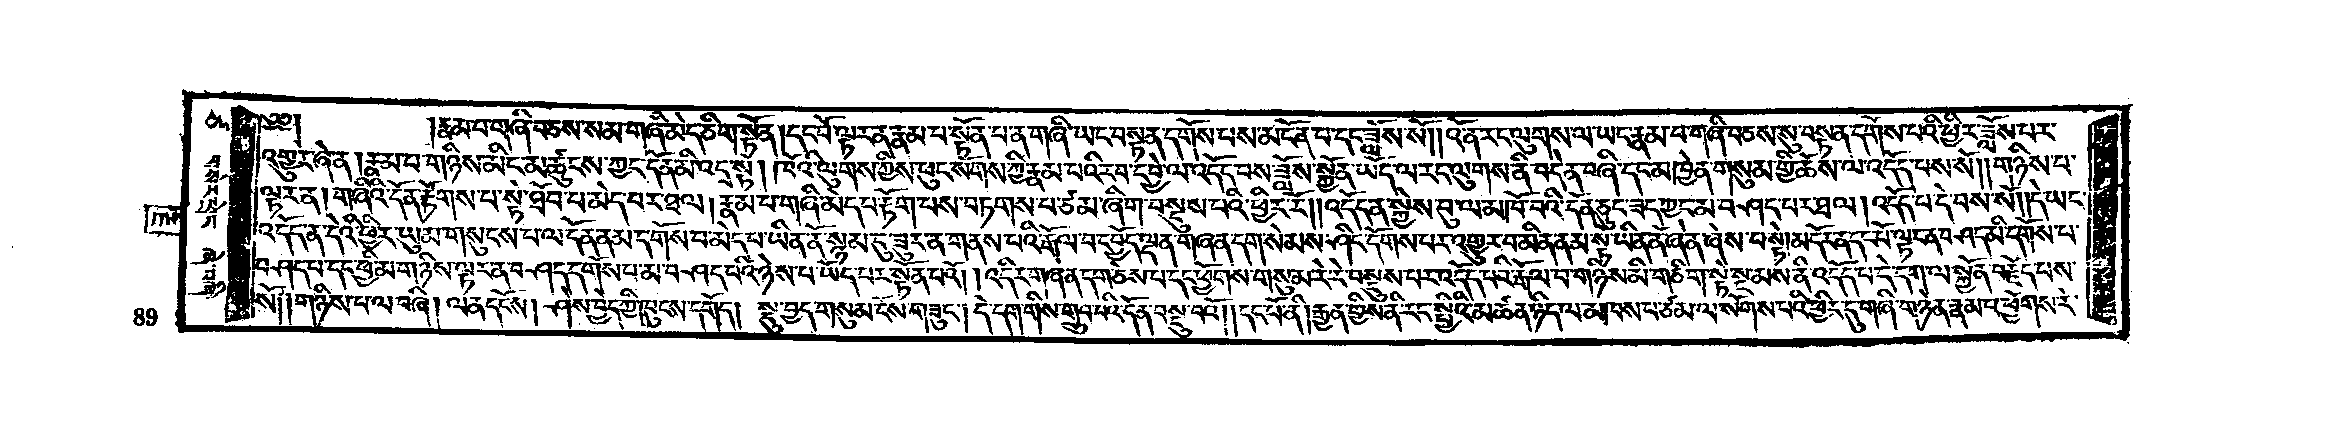༄༅། །རྣམ་པ་གཞི་བཅས་སམ་གཞི་མེད་ཅིག་སྟོན། དང་པོ་ལྟར་ན་རྣམ་པ་སྟོན་པ་ན་གཞི་ཡང་བསྟན་དགོས་པས་མངོན་པ་དང་ཟློས་སོ། །འོ་ན་རང་ལུགས་ལ་ཡང་རྣམ་པ་གཞི་བཅས་སུ་བསྟན་དགོས་པའི་ཕྱིར་ཟློས་པར་
འགྱུར་ཞེ་ན། རྣམ་པ་གཉིས་མིང་མཚུངས་ཀྱང་དོན་མི་འདྲ་སྟེ། ཁོའི་ལུགས་ཀྱིས་ཕུང་སོགས་ཀྱི་རྣམ་པའི་རབ་དབྱེ་ལ་འདོད་པས་ཟློས་སྐྱོན་ཡོད་ལ་རང་ལུགས་ནི་བདེན་བཞི་དང་མཁྱེན་གསུམ་གྱི་ཆོས་ལ་འདོད་པས་སོ། །གཉིས་པ་
ལྟར་ན། གཞིའི་དོན་རྟོགས་པ་སྟེ་ཐོབ་པ་མེད་པར་ཐལ། རྣམ་པ་གཞི་མེད་པ་རྟོག་པས་བཏགས་པ་ཙམ་ཞིག་བསྡུས་པའི་ཕྱིར་རོ། འདོད་ན་སྐྱེས་བུ་ལ་མཁོ་བའི་དོན་ཅུང་ཟད་ཀྱང་མ་བཤད་པར་ཐལ། འདོད་པ་དེ་བས་སོ། །དེ་ཡང་
འདོད་ན་དེའི་ཕྱིར་ཡུམ་གསུངས་པ་ལ་དོན་ནམ་དགོས་པ་མེད་པ་ཡིན་ནོ་སྙམ་དུ་ཟུར་ན་གནས་པའི་རྒོལ་བ་དཔྱོད་ལྡན་གཞན་དག་སེམས་ཤིང་དོགས་པར་འགྱུར་བ་མིན་ནམ་སྟེ་ཡིན་ནོ་ཞེ་ན་ཞེས་པ་སྟེ། མདོར་ན་དང་པོ་ལྟར་ན་བཤད་མི་དགོས་པ་
བཤད་པ་དང་ཕྱི་མ་གཉིས་ལྟར་ན་བཤད་དགོས་པ་མ་བཤད་པའི་ཉེས་པ་ཡོད་པར་སྟོན་པའོ། །འདིར་གཞན་དག་ཅེས་པ་དང་ཕྱོགས་གསུམ་རེ་རེ་བསྡུས་པར་འདོད་པའི་རྒོལ་བ་གཉིས་མི་གཅིག་སྟེ་སྔ་མས་ནི་འདོད་པ་དེ་དག་ལ་སྐྱོན་བརྗོད་པས་
སོ། །གཉིས་པ་ལ་བཞི། ལན་དངོས། ཤེས་བྱེད་ཀྱི་ཁུངས་དགོད། སྡུ་བྱད་གསུམ་ངོས་གཟུང་། དེ་དག་གིས་གྲུབ་པའི་དོན་བསྡུ་བའོ། །དང་པོ་ནི། རྒྱན་གྱིས་ནི་རང་སྤྱིའི་མཚན་ཉིད་ལ་མཁས་པ་ཙམ་ལ་སོགས་པའི་ཕྱིར་དུ་གཞི་གཉེན་རྣམ་པ་ཕྱོགས་རེ་